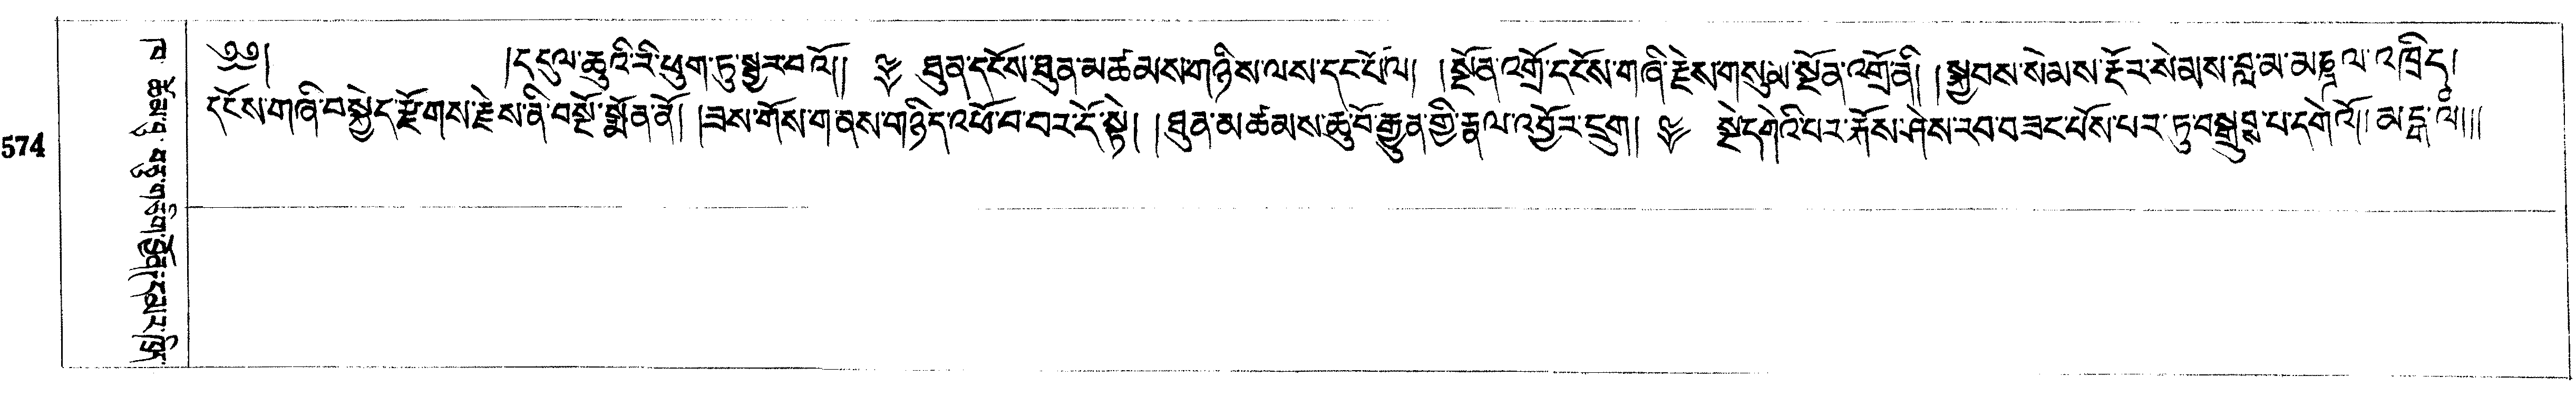༄༅། །དངུལ་ཆུའི་རི་ཕུག་ཏུ་སྦྱར་བའོ།། ༈ ཐུན་དངོས་ཐུན་མཚམས་གཉིས་ལས་དང་པོ་ལ། །སྔོན་འགྲོ་དངོས་གཞི་རྗེས་གསུམ་སྔོན་འགྲོ་ནི། །སྐྱབས་སེམས་རྡོར་སེམས་བླ་མ་མཎྜལ་འཁྲིད།
དངོས་གཞི་བསྐྱེད་རྫོགས་རྗེས་ནི་བསྔོ་སྨོན་ནོ། །ཟས་གོས་གནས་གཉིད་འཕོ་བ་བར་དོ་སྟེ། །ཐུན་མཚམས་ཆུ་བོ་རྒྱུན་གྱི་རྣལ་འབྱོར་དྲུག ། ༈ སྡེ་དགེའི་པར་རྐོས་ཤེས་རབ་བཟང་པོས་པར་ཏུ་བསྒྲུབས་པ་དགེའོ།། མངྒ་ལཾ།།།